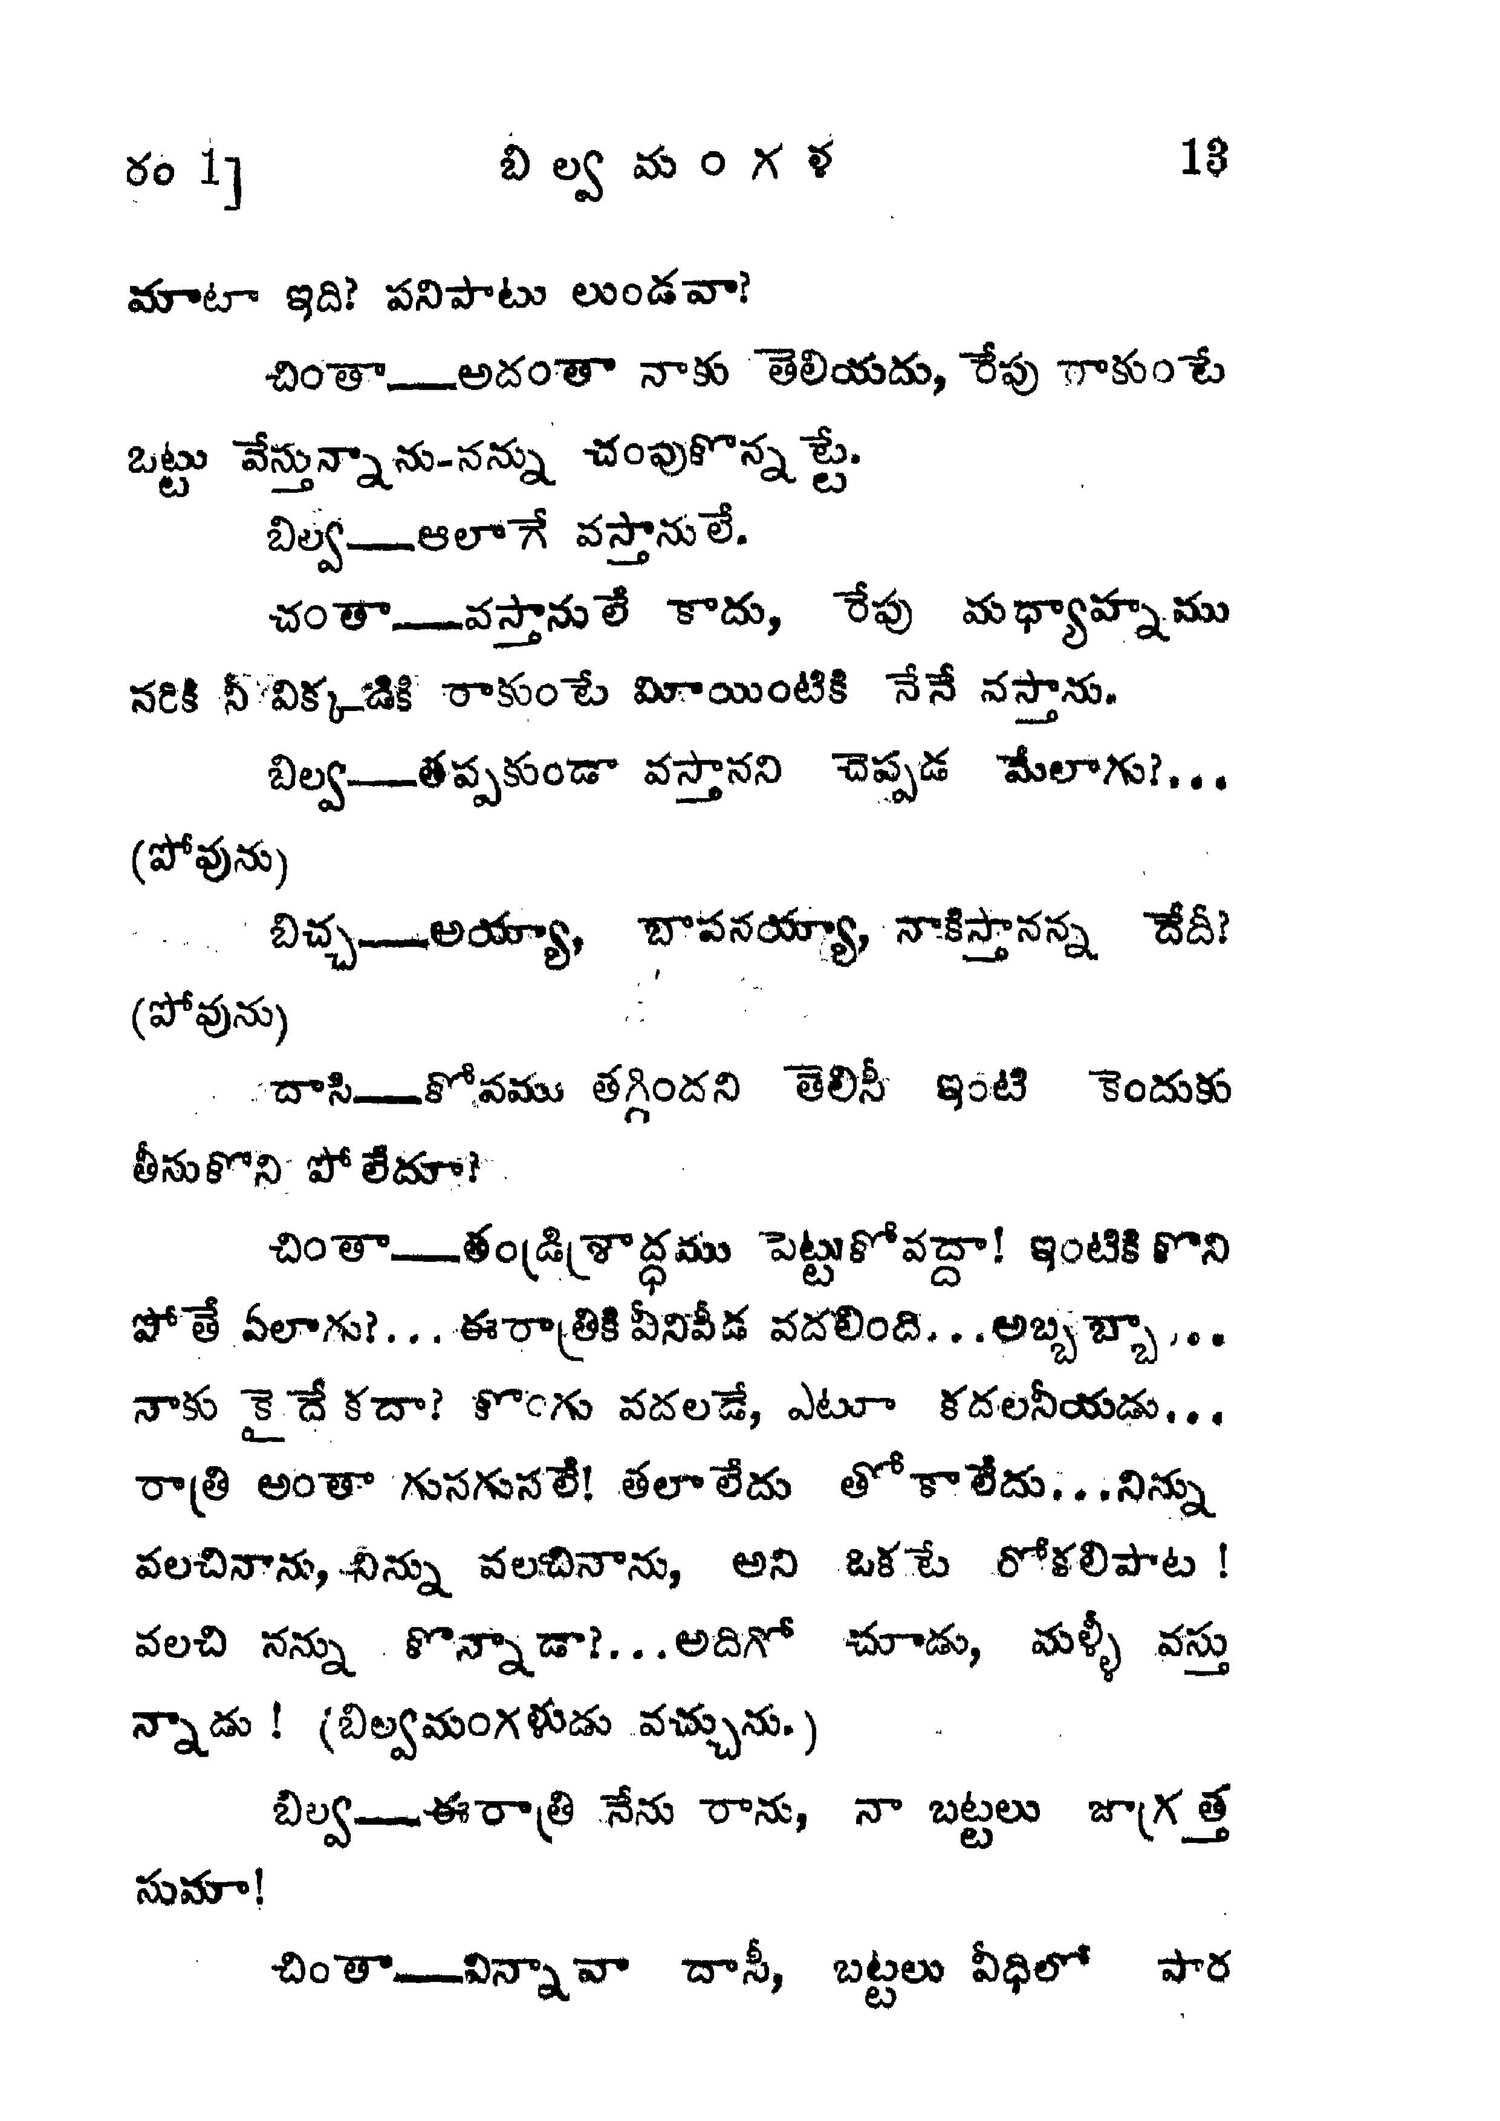మాటా ఇది? పనిపాటు లుండవా?

చింతా - అదంతా నాకు తెలియదు, రేపు రాకుంటే ఒట్టు వేస్తున్నాను - నన్ను చంపుకొన్నట్టే.

బిల్వ - ఆలాగే వస్తానులే.

చింతా - వస్తానులే కాదు, రేపు మధ్యాహ్నము సరికి నీ విక్కడికి రాకుంటే మీయింటికి నేనే వస్తాను.

బిల్వ - తప్పకుండా వస్తానని చెప్పడ మేలాగు?... (పోవును)

బిచ్చ - అయ్యా, బావనయ్యా, నాకిస్తానన్న దేదీ? (పోవును)

దాసి - కోపము తగ్గిందని తెలిసీ ఇంటి కెందుకు తీసుకొని పోలేదూ?

చింతా - తండ్రిశ్రాద్ధము పెట్టుకోవద్దా! ఇంటికి కొనిపోతే ఏలాగు? ... ఈరాత్రికి వీనిపీడ వదలింది...అబ్బబ్బా... నాకు కైదే కదా? కొంగు వదలడే, ఎటూ కదలనీయడు... రాత్రి అంతా గుసగుసలే! తలాలేదు తోకాలేదు...నిన్ను వలచినాను, నిన్ను వలచినాను, అని ఒకటే రోకలిపాట! వలచి నన్ను కొన్నాడా?...అదిగో చూడు, మళ్ళీ వస్తున్నాడు ! (బిల్వమంగళుడు వచ్చును.]

బిల్వ - ఈరాత్రి నేను రాను, నా బట్టలు జాగ్రత్త సుమా!

చింతా - విన్నావా దాసీ, బట్టలు వీధిలో పార